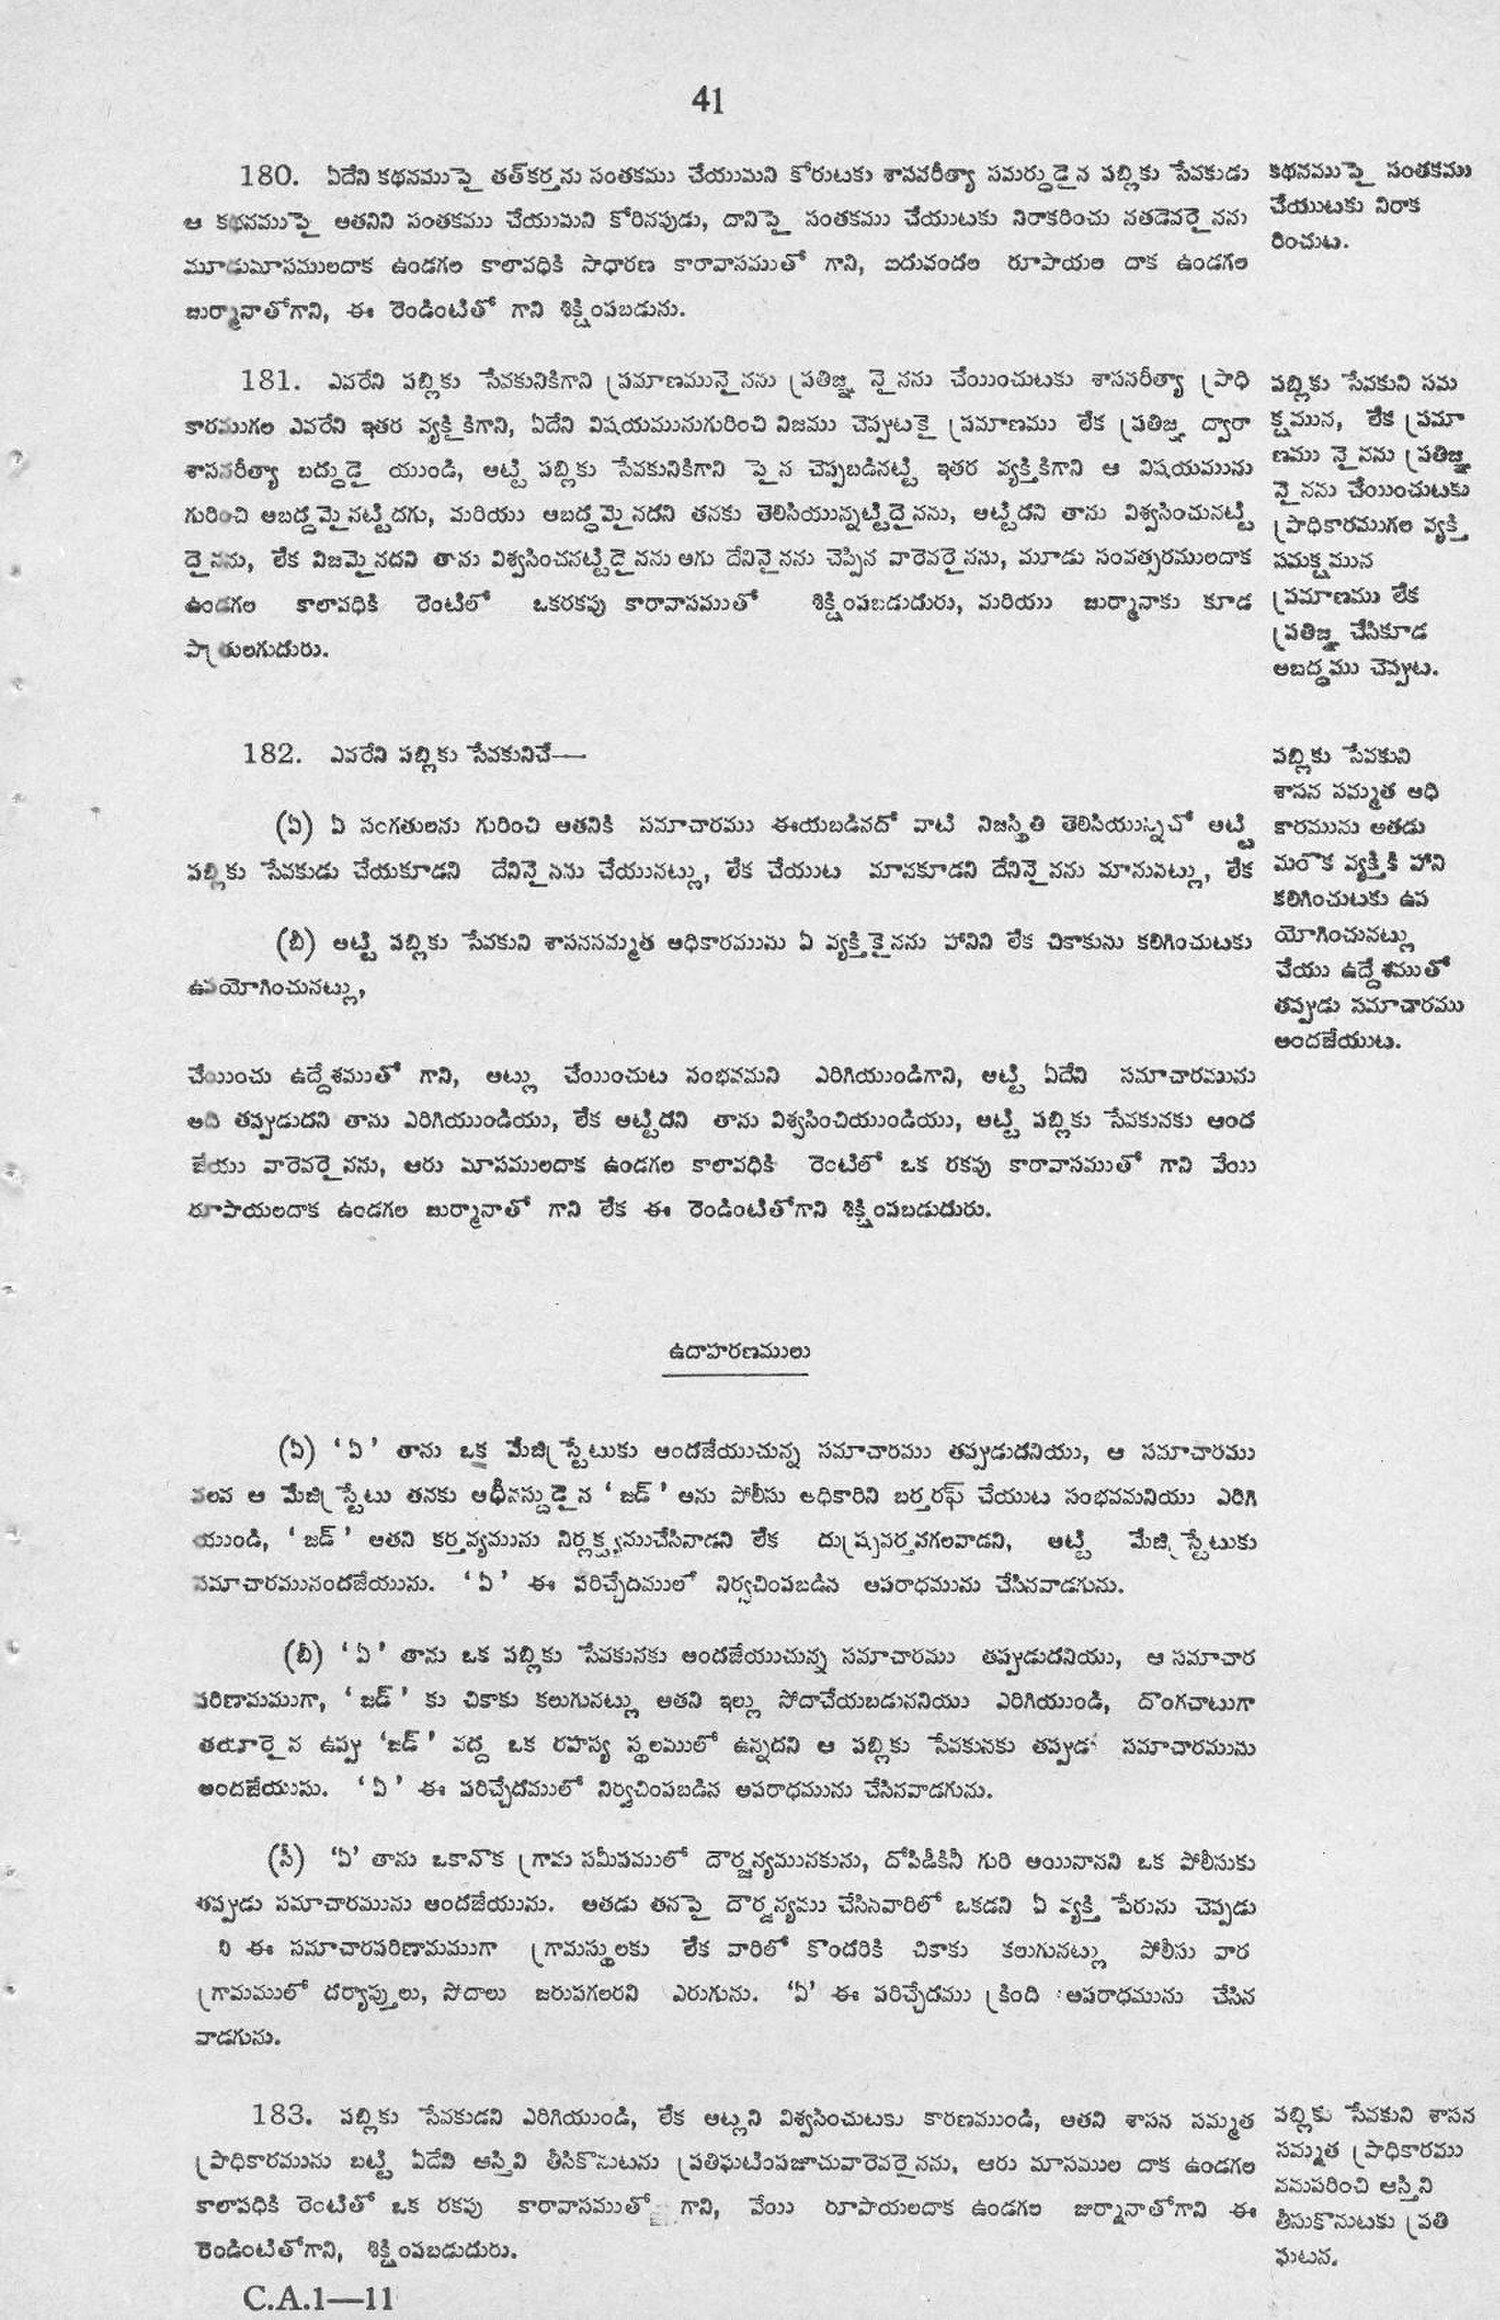కథనము పై సంతకము చేయుటకు నిరాకరించుట.

180. ఏదేని కథనము పై తత్ కర్తను సంతకము చేయుమని కోరుటకు శాసనరీత్యా సమర్ధుడైన పబ్లికు సేవకుడు ఆ కథనముపై అతనిని సంతకము చేయుమని కోరినపుడు, దానిపై సంతకము చేయుటకు నిరాకరించు నతడెవరైనను
మూడుమాసములదాక ఉండగల కాలావధికి సాధారణ కారావాసముతో గాని, ఐదువందల రూపాయల దాక ఉండగల
జుర్మానాతోగాని, ఈ రెండింటితో గాని శిక్షింపబడును. పబ్లికు సేవకుని సమక్షమున, లేక ప్రమాణము నైనను ప్రతిజ్ఞనైనను చేయించుటకు ప్రాధికారముగల వ్యక్తి సమక్షమున ప్రమాణము లేక ప్రతిజ్ఞ చేసికూడ అబద్ధము చెప్పుట.

181. ఎవరేని పబ్లికు సేవకునికి గాని ప్రమాణమునైనను ప్రతిజ్ఞ, నైనను చేయించుటకు శాసనరీత్యా ప్రాధికారముగల ఎవరేని ఇతర వ్యక్తికిగాని, ఏదేని విషయమును గురించి నిజము చెప్పుటకై ప్రమాణము లేక ప్రతిజ్ఞ ద్వారా శాసనరీత్యా బద్దుడై యుండి, అట్టి పబ్లికు సేవకునికిగాని పైన చెప్పబడినట్టి ఇతర వ్యక్తికిగాని ఆ విషయమును గురించి ఆబద్దమైనట్టి దగు, మరియు ఆబద్ధమైనదని తనకు తెలిసియున్నట్టిదైనను, అట్టిదని తాను విశ్వసించునట్టి దైనను, లేక నిజమైనదని తాను విశ్వసించనట్టిదైనను అగు దేనినై నను చెప్పిన వారెవరైనను, మూడు సంవత్సరములదాక ఉండగల కాలావధికి రెంటిలో ఒకరకపు కారావాసముతో శిక్షింపబడుదురు, మరియు జుర్మానాకు కూడ పాత్రులగుదురు.

పబ్లికు సేవకుని శాసన సమ్మత ఆధికారమును అతడు మరొక వ్యక్తి కి హాని కలిగించుటకు ఉపయోగించునట్లు చేయు ఉద్దేశముతో తప్పుడు సమాచారము అందజేయుట.
 
182. ఎవరేని పబ్లికు సేవకునిచే——

(ఏ) ఏ సంగతులను గురించి ఆతనికి సమాచారము ఈయబడినదో వాటి నిజస్థితి తెలిసియున్నచో అట్టి పబ్లికు సేవకుడు చేయకూడని దేనినైనను చేయునట్లు, లేక చేయుట మానకూడని దేనినైనను మానునట్లు, లేక
 
(బి) అట్టి పబ్లికు సేవకుని శాసనసమ్మత అధికారమును ఏ వ్యక్తి కైనను హానిని లేక చికాకును కలిగించుటకు
ఉపయోగించునట్లు,

చేయించు ఉద్దేశముతో గాని, ఆట్లు చేయించుట సంభవమని ఎరిగియుండిగాని, అట్టి ఏదేని సమాచారమును అది తప్పుడుదని తాను ఎరిగియుండియు, లేక అట్టిదని తాను విశ్వసించియుండియు, అట్టి పబ్లికు సేవకునకు అంద
జేయు వారెవరైనను, ఆరు మాసములదాక ఉండగల కాలావధికి రెంటిలో ఒక రకపు కారావాసముతో గాని వేయి
రూపాయలదాక ఉండగల జుర్మానాతో గాని లేక ఈ రెండింటితోగాని శిక్షింపబడుదురు.

(ఏ) 'ఏ ' తాను ఒక మేజిస్టేటుకు అందజేయుచున్న సమాచారము తప్పుడు దనియు, ఆ సమాచారము వలన ఆ
మేజిస్టేటు తనకు ఆధీనస్టుడైన ' జడ్ ' అను పోలీసు అధికారిని బర్తరఫ్ చేయుట సంభవమనియు ఎరిగియుండి, ఆతని కర్తవ్యమును నిర్లక్ష్యము చేసినాడని లేక దుష్ప్రవర్తనగలవాడని, అట్టి మేజిస్టేటుకు సమాచారమునందజేయును. 'ఏ' ఈ పరిచ్చేదములో నిర్వచింపబడిన అపరాధమును చేసినవాడగును.

(బి) 'ఏ ' తాను ఒక పబ్లికు సేవకునకు అందజేయుచున్న సమాచారము తప్పుడు దనియు, ఆ సమాచార పరిణామముగా, 'జడ్' కు చికాకు కలుగునట్లు అతని ఇల్లు సోదాచేయబడుననియు ఎరిగియుండి, దొంగచాటుగా
తయారైన ఉప్పు 'జడ్' వద్ద ఒక రహస్య స్థలములో ఉన్నదని ఆ పబ్లికు సేవకునకు తప్పుడు సమాచారమును
అందజేయును. 'ఏ ' ఈ పరిచ్చేదములో నిర్వచింపబడిన అపరాధమును చేసినవాడగును.

(సీ) 'ఏ' తాను ఒకానొక గ్రామ సమీపములో దౌర్జన్యమునకును, దోపిడీకినీ గురి అయినానని ఒక పోలీసుకు తప్పుడు సమాచారమును అందజేయును. అతడు తనపై దౌర్జన్యము చేసినవారిలో ఒకడని ఏ వ్యక్తి పేరును చెప్పడు పనీ ఈ సమాచార పరిణామముగా గ్రామస్థులకు లేక వారిలో కొందరికి చికాకు కలుగునట్లు పోలీసు వార గ్రామములో దర్యాప్తులు, సోదాలు జరుపగలరని ఎరుగును. 'ఏ' ఈ పరిచ్ఛేదము క్రింది అపరాధమును చేసిన వాడగును.

పబ్లికు సేవకుని శాసనసమ్మత ప్రాధికారము ననుసరించి ఆస్తిని తీసుకొనుటకు ప్రతిఘటన.

183. పబ్లికు సేవకుడని ఎరిగియుండి, లేక ఆటని విశ్వసించుటకు కారణముండి, ఆతని శాసన సమ్మత ప్రాధికారమును బట్టి ఏదేవి ఆస్తిని తీసికొనుటను ప్రతిఘటింపజూచువారెవరైనను, ఆరు మాసముల దాక ఉండగల కాలావధికి రెంటితో ఒక రకపు కారావాసముతో గాని, వేయి రూపాయలదాక ఉండగల జుర్మానాతోగాని ఈ రెండింటితోగాని, శిక్షింపబడుదురు.